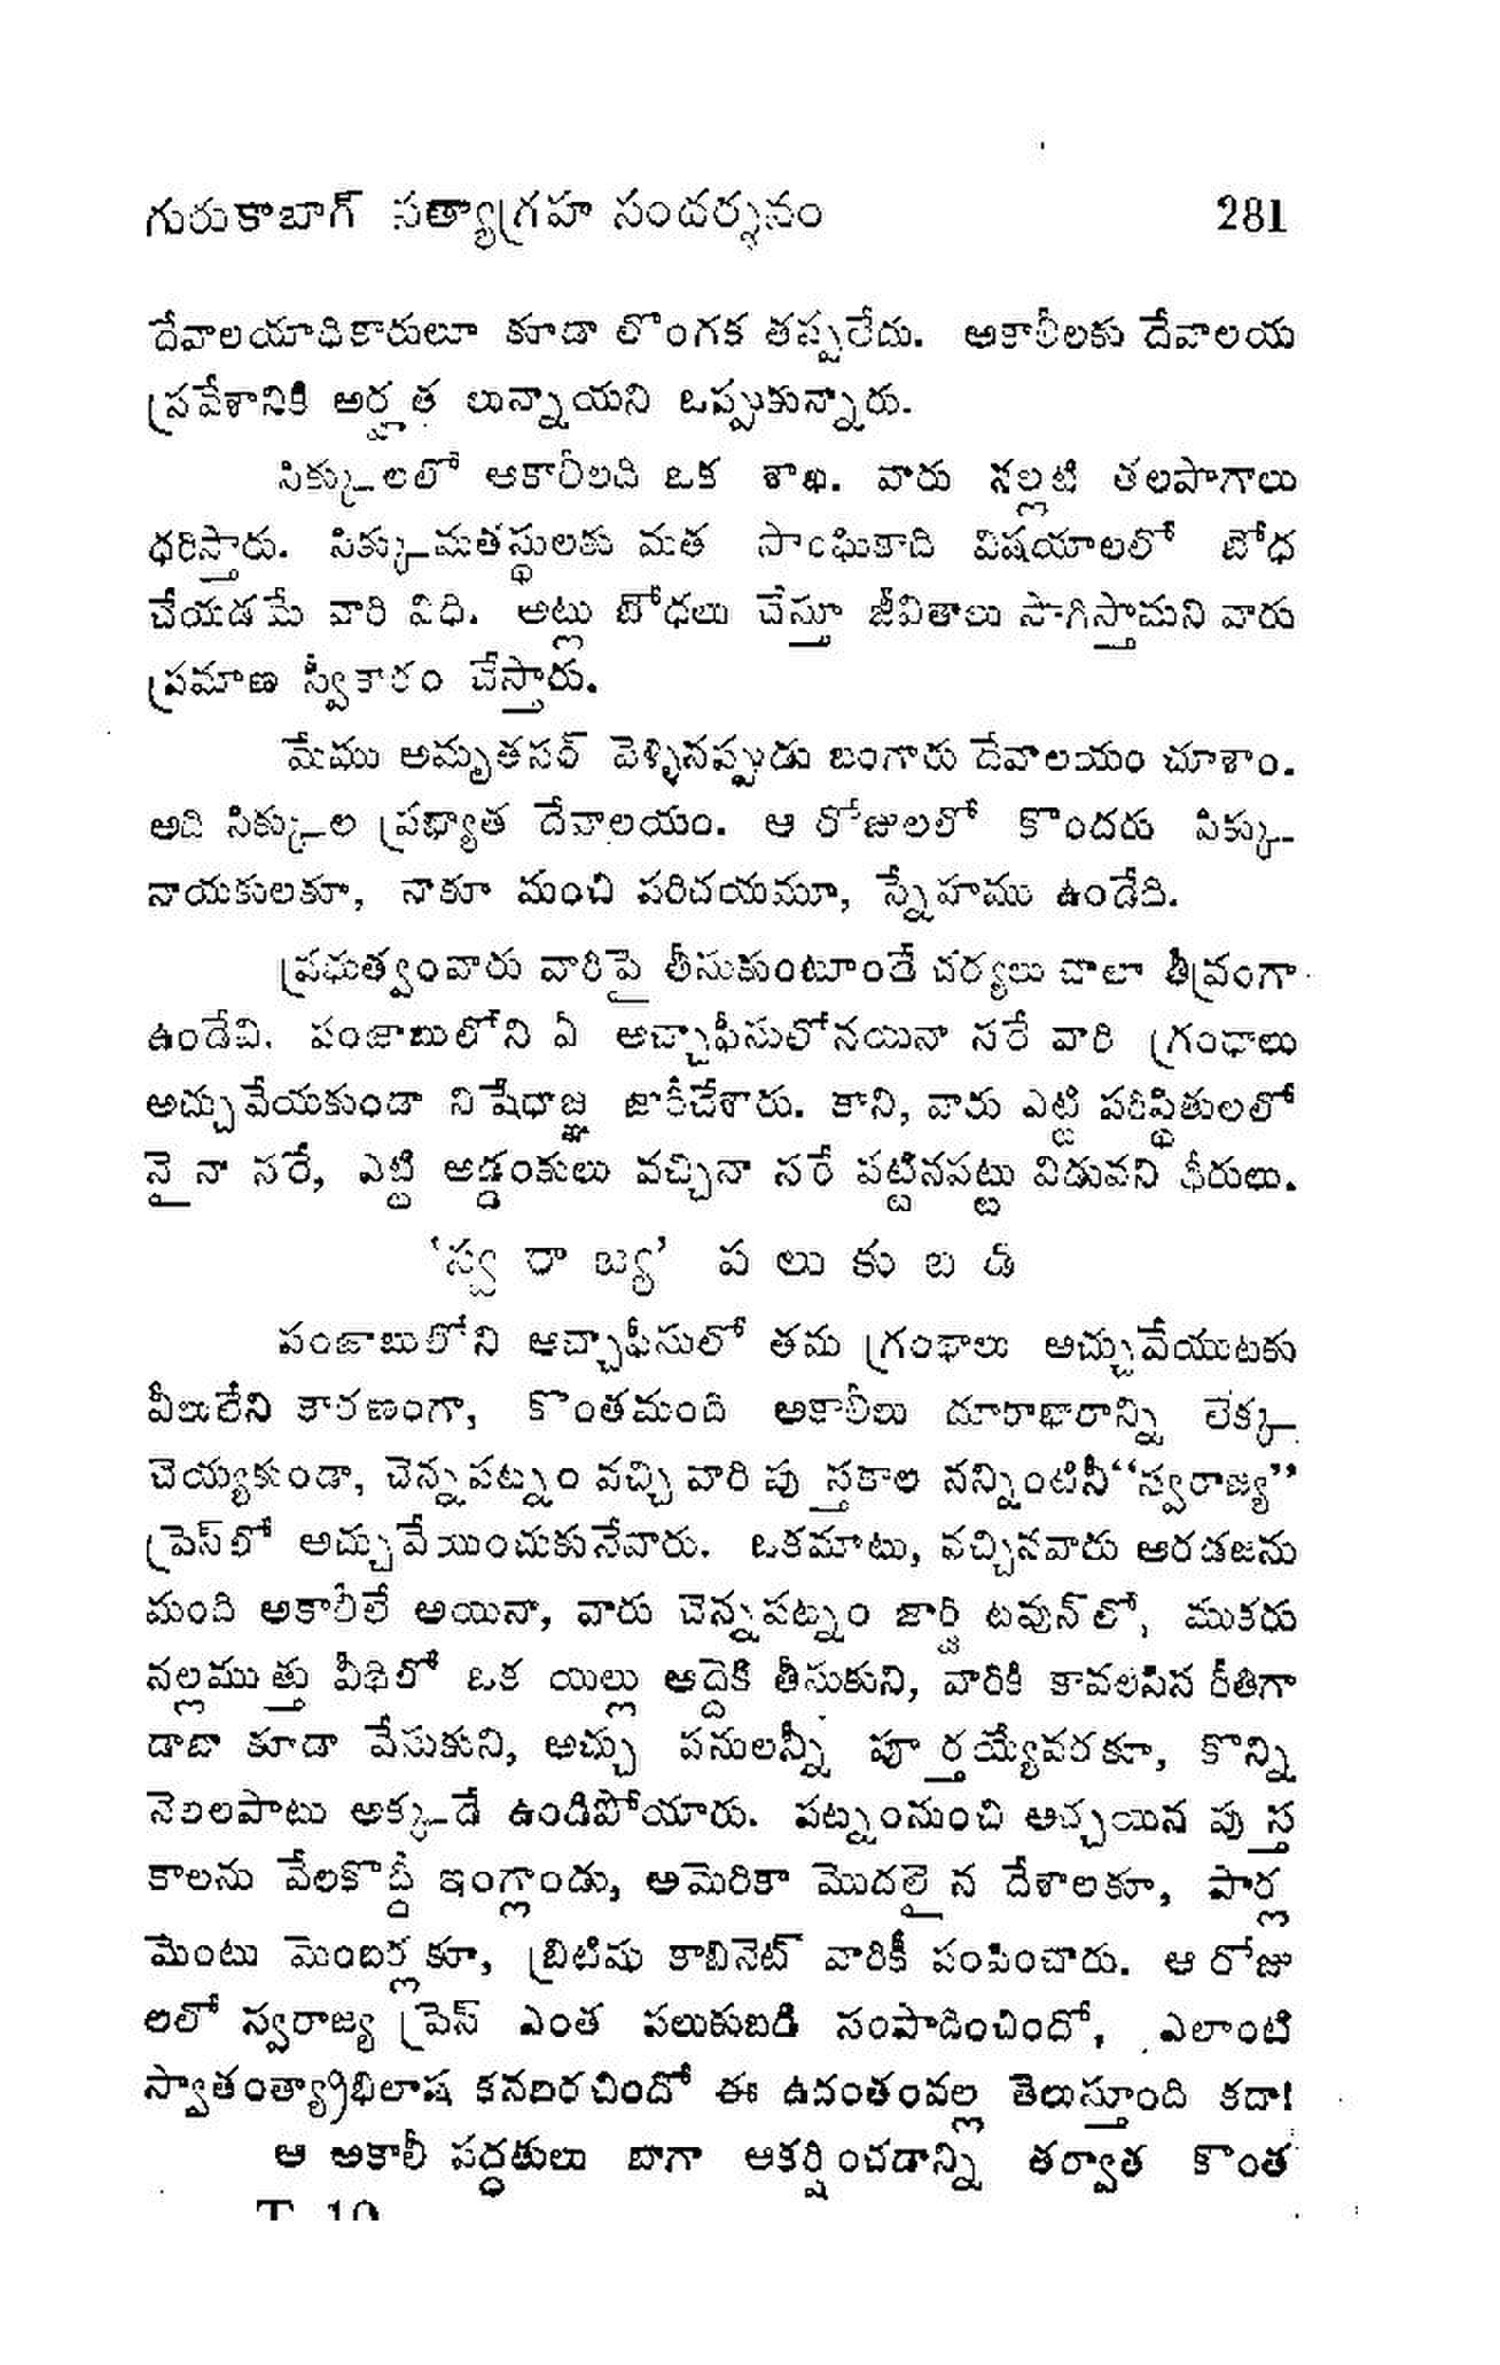దేవాలయాధికారులూ కూడా లొంగక తప్పలేదు. అకాలీలకు దేవాలయ ప్రవేశానికి అర్హత లున్నాయని ఒప్పుకున్నారు

సిక్కులలో అకాలీలది ఒక శాఖ. వారు నల్లటి తలపాగాలు ధరిస్తారు. సిక్కుమతస్థులకు మత సాంఘికాది విషయాలలో బోధచేయడమే వారి విధి. అట్లు బోధలు చేస్తూ జీవితాలు సాగిస్తామని వారు ప్రమాణ స్వీకారం చేస్తారు.

మేము అమృతసర్ వెళ్ళినప్పుడు బంగారు దేవాలయం చూశాం. అది సిక్కుల ప్రఖ్యాత దేవాలయం. ఆ రోజులలో కొందరు సిక్కు నాయకులకూ, నాకూ మంచి పరిచయమూ, స్నేహము ఉండేది.

ప్రభుత్వంవారు వారిపై తీసుకుంటూండే చర్యలు చాలా తీవ్రంగా ఉండేవి. పంజాబులోని ఏ అచ్చాపీసులోనయినా సరే వారి గ్రంథాలు అచ్చువేయకుండా నిషేదాజ్ఞ జారీచేశారు. కాని, వారు ఎట్టి పరిస్థితులలో నైనా సరే, ఎట్టి అడ్డంకులు వచ్చినా సరే పట్టినపట్టు విడువని ధీరులు

పంజాబులోని అచ్చాపీసులో తమ గ్రంథాలు అచ్చువేయుటకు వీలులేని కారణంగా, కొంతమంది అకాలీలు దూరాభారాన్ని లెక్క చెయ్యకుండా, చెన్నపట్నం వచ్చి వారి పుస్తకాల నన్నింటీనీ "స్వరాజ్య" ప్రెస్‌లో అచ్చువేయించుకునేవారు. ఒకమాట, వచ్చినవారు అరడజను మంది అకాలీలే అయినా, వారు చెన్నపట్నం జార్జి టవున్ లో ముకరు నల్లముత్తు వీథిలో ఒక యిల్లు అద్దెకి తీసుకుని, వారికి కావలసిన రీతిగా డాబా కూడా వేసుకుని, అచ్చు పనులన్ని పూర్తయ్యేవరకూ, కొన్ని నెలలపాటు అక్కడే ఉండిపోయారు. పట్నంనుంచి అచ్చయిన పుస్తకాలను వేలకొద్దీ ఇంగ్లాడు, అమెరికా మొదలైన దేశాలకూ, పార్లమెంటు మెంబర్లకూ, బ్రిటిషు కాబినెట్ వారికీ పంపించారు. ఆ రోజులలో స్వరాజ్య ప్రెస్ ఎంత పలుకుబడి సంపాదించిందో, ఎలాంటి స్వాతంత్య్రాభిలాష కనబరచిందో ఈ ఉదంతంవల్ల తెలుస్తూంది కదా!

ఆ అకాలీ పద్దతులు బాగా ఆకర్షించడాన్ని తర్వాత కొంత